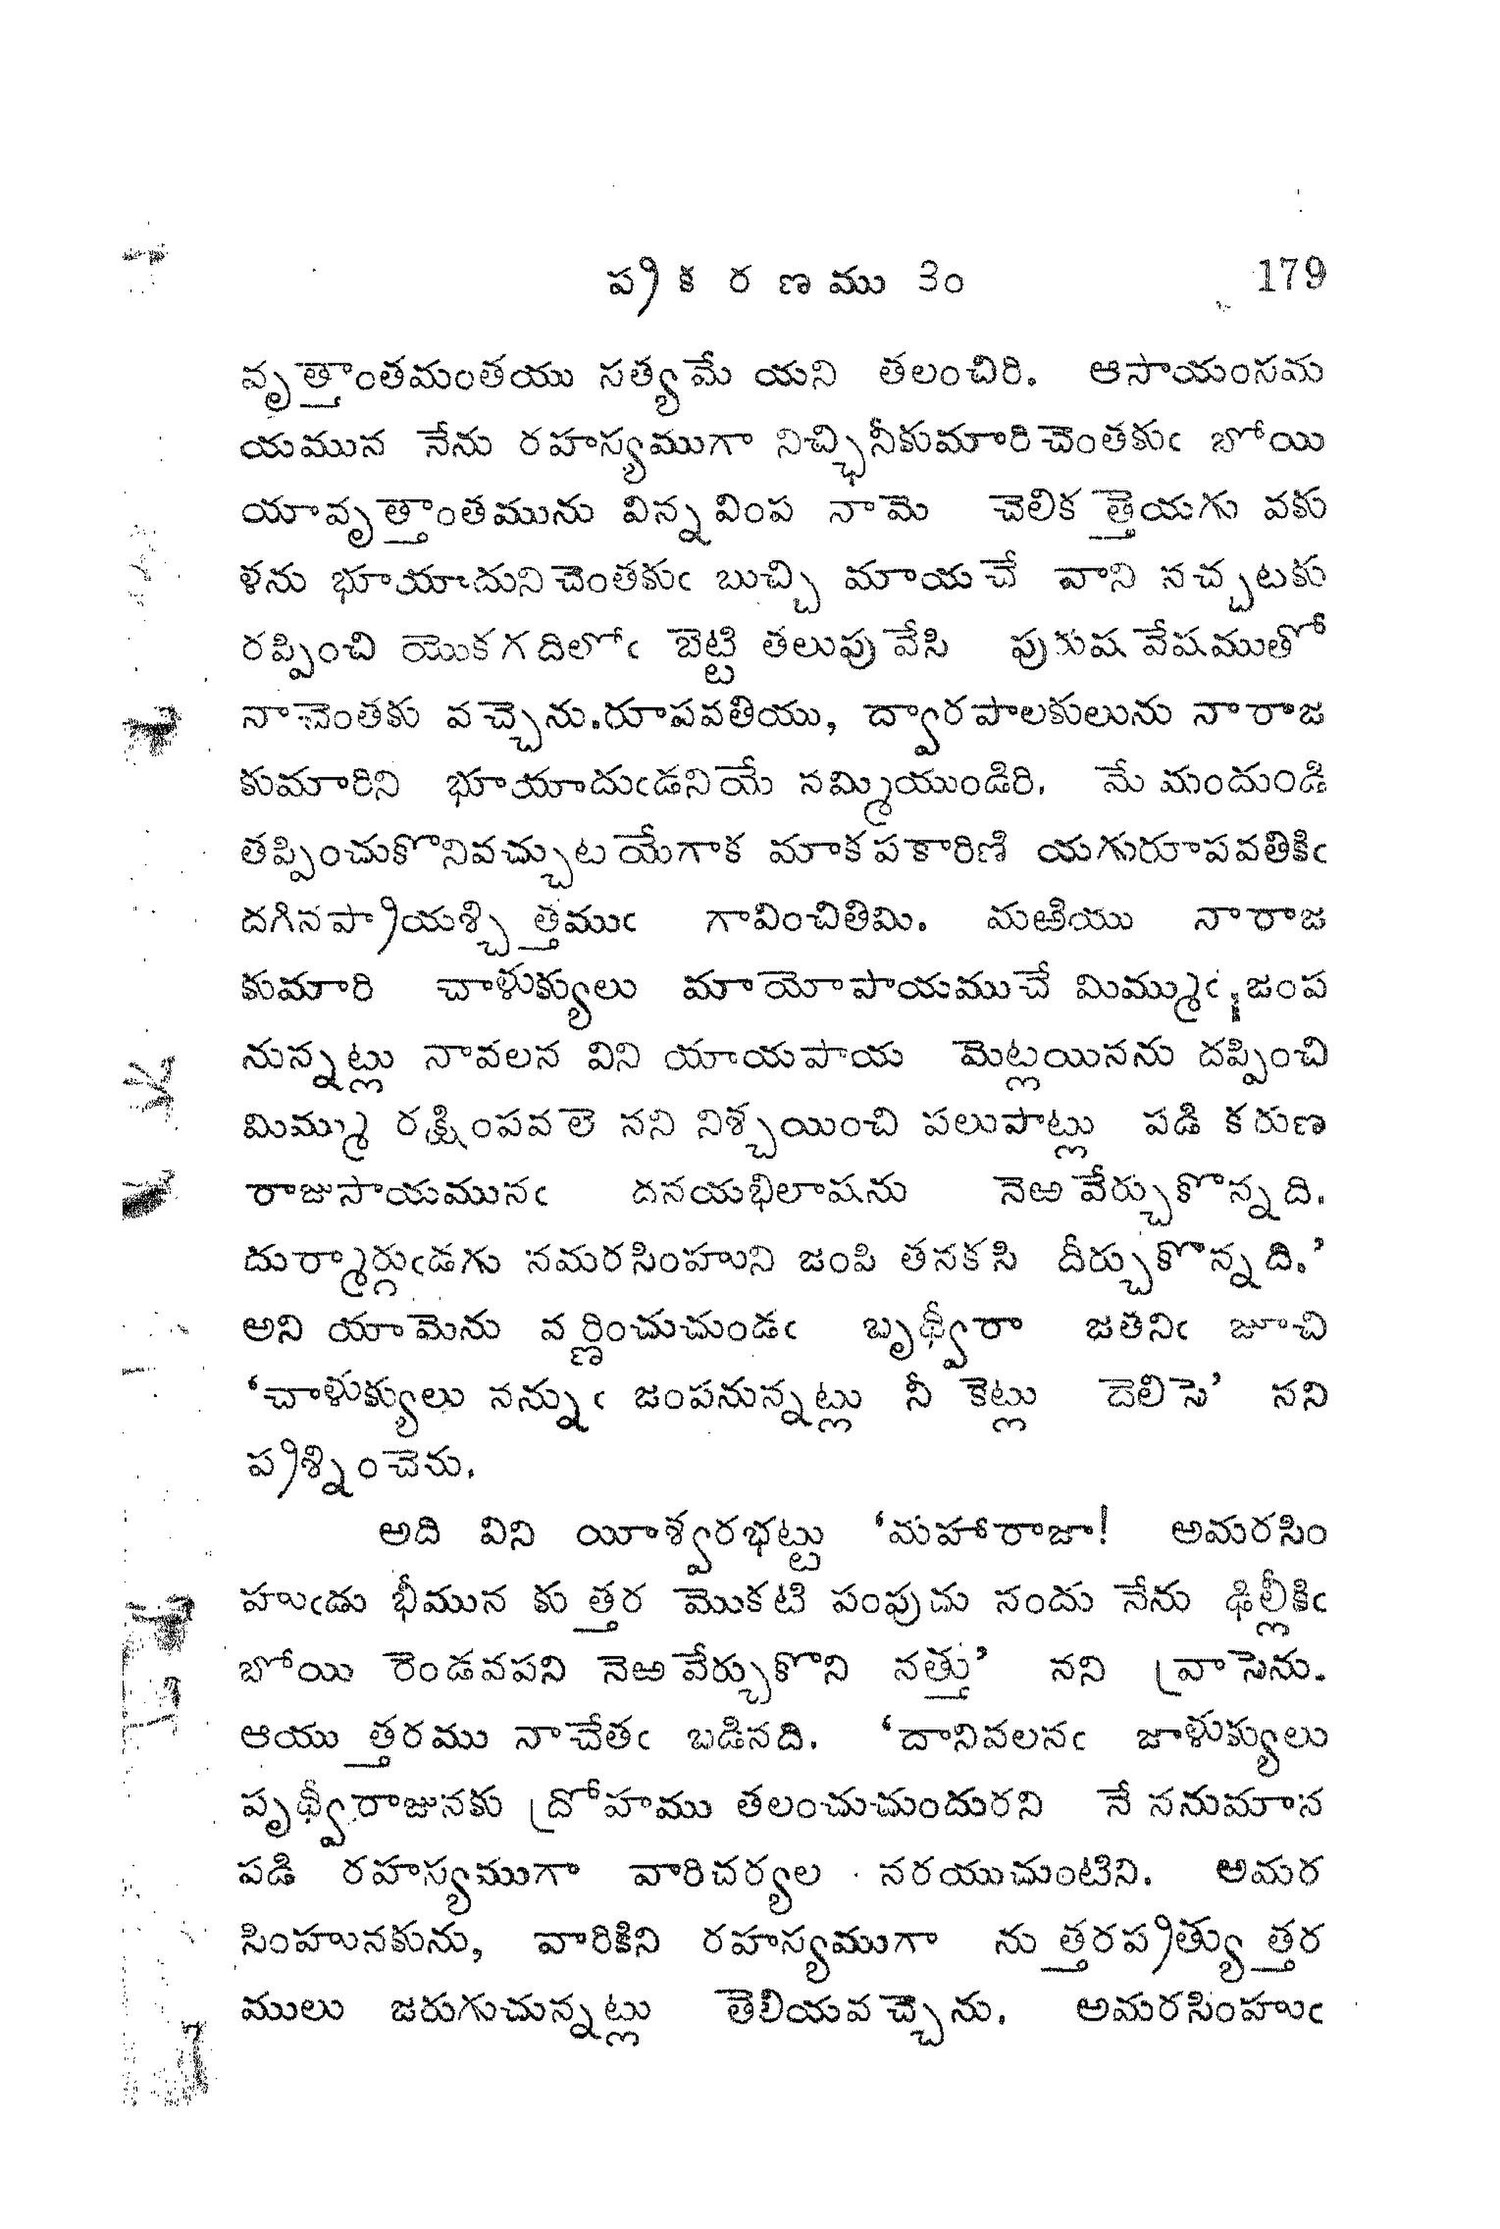వృత్తాంతమంతయు సత్యమే యని తలంచిరి. ఆ సాయంసమ
యమున నేను రహస్యముగా నిచ్ఛినీకుమారి చెంతకుఁ బోయి
యావృత్తాంతమును విన్నవింప నామే చెలిక తైయగు వకు
ళను భూయాదుని చెంతకుఁ బుచ్చి మాయ చే వాని నచ్చటకు
రప్పించి యొక గదిలోఁ బెట్టి తలుపు వేసి పురుష వేషముతో
నాచెంతకు వచ్చెను.రూపవతియు, ద్వార పాలకులును నా రాజ
కుమారిని భూయాదుఁడనియే నమ్మియుండిరి, నే మందుండి
తప్పించుకొనివచ్చుట యేగాక మాక పకారిణి యగురూపవతికిఁ
దగిన ప్రాయశ్చిత్తముఁ గావించితిమి. మరియు నా రాజ
కుమారి చాళుక్యులు మాయోపాయముచే మిమ్ముఁ జంప
నున్నట్లు నావలన విని యాయపాయ మెట్లయినను దప్పించి
మిమ్ము రక్షింపవలె నని నిశ్చయించి పలుపాట్లు పడి కరుణ
రాజు సాయమునఁ దనయభిలాషను నెఱ వేర్చుకొన్నది.
దుర్మార్గుఁడగు 'సమర సింహుని జంపి తనకసి దీర్చుకొన్నది.”
అని యామెను వర్ణించుచుండఁ బృథ్వీరా జతనిఁ జూచి
“చాళుక్యులు నన్ను జంపనున్నట్లు నీ కెట్లు
దెలిసె' నని ప్రశ్నించెను.

అది విని యీశ్వర భట్టు 'మహా రాజా! అమరసిం
హుఁడు భీమున కుత్తర మొకటి పంపుచు నందు నేను ఢిల్లీకిఁ
బోయి రెండవ పని నెఱ నేర్చుకొని వత్తు' నని వ్రాసెను.
.
ఆయుత్తరము నాచేతఁ బడినది. “దానివలన జాళుక్యులు
పృథ్వీ రాజునకు ద్రోహము తలంచు చుందురని నే ననుమాన
పడి రహస్యముగా వారిచర్యల • నరయు చుంటిని. అమర
సింహునకును, వారికిని రహస్యముగా నుత్తరప్రత్యుత్తర
ములు జరుగుచున్నట్లు తెలియవ చ్చెను. అమరసింహు